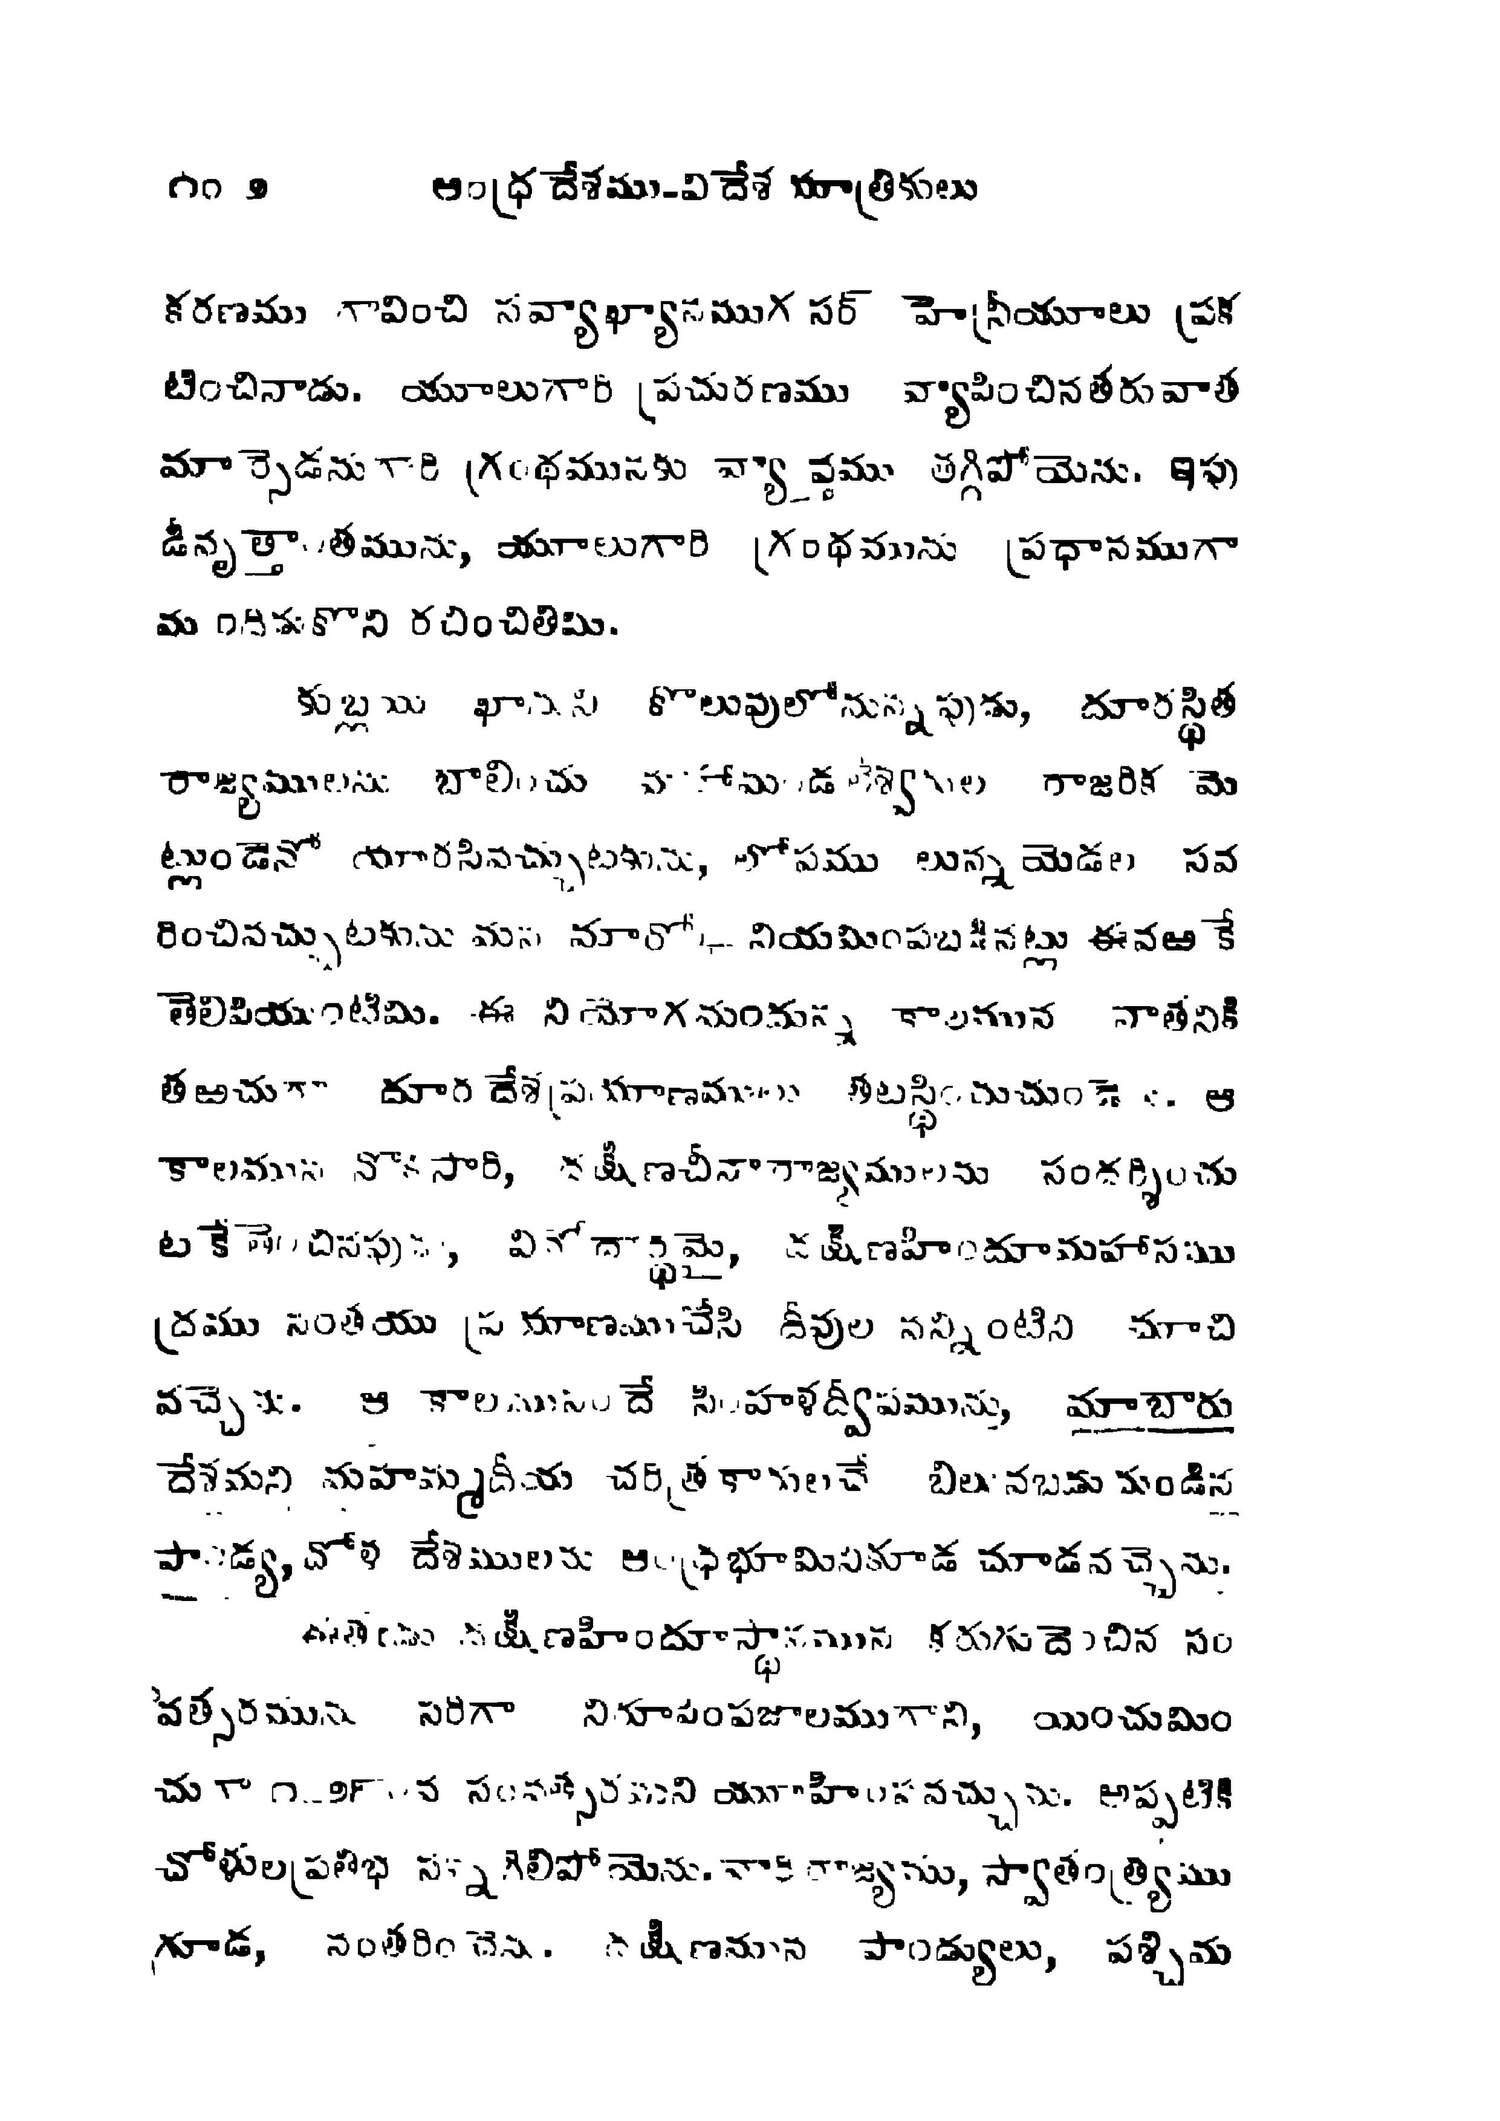కరణము గావించి సవ్యాఖ్యానముగ సర్ హెన్రీయూలు ప్రకటించినాడు. యూలుగారి ప్రచురణము వ్యాపించినతరువాత మార్సెడనుగారి గ్రంథమునకు వ్యాప్తము తగ్గిపోయెను. ఇపుడీవృత్తాంతమును, యూలుగారి గ్రంథమును ప్రధానముగా మందిడుకొని రచించితిమి.

కుబ్లయి ఖానుని కొలువులోనున్నపుడు, దూరస్థితి రాజ్యములను బాలించు మహామండలేశ్వరుల రాజరిక మెట్లుండెనో యారసివచ్చుటకును, లోపము లున్నయెడల సవరించివచ్చుటకును మన మార్కో నియమింపబడినట్లు ఈవఱకే తెలిపియుంటిమి. ఈ నియోగమందున్న కాలమున నాతనికి తఱచుగా దూరదేశ ప్రయాణములు తటస్థించుచుండెను. ఆ కాలమున నొకసారి, దక్షిణ చీనారాజ్యములను సందర్శించుటకేతెంచినపుడు, వినోదార్థమై, దక్షిణహిందూమహాసముద్రము నంతయు ప్రయాణముచేసి దీవుల నన్నింటిని చూచివచ్చెను. ఆ కాలమునందే సింహళద్వీపమును, మాబారు దేశమని మహమ్మదీయ చరిత్రకారులచే బిలువబడుచుండిన పాండ్య, చోళ దేశములను ఆంధ్రభూమినికూడ చూడవచ్చెను.

ఈతడు దక్షిణహిందూస్థానమున కరుదెంచిన సంవత్సరమును సరిగా నిరూపింపజాలముగాని, యించుమించుగా 1290 వ సంవత్సరమని యూహింపవచ్చును. అప్పటికి చోళులప్రతిభ సన్నగిలిపోయెను. వారి రాజ్యము, స్వాతంత్ర్యము గూడ, నంతరించెను. దక్షిణమున పాండ్యులు, పశ్చిమ